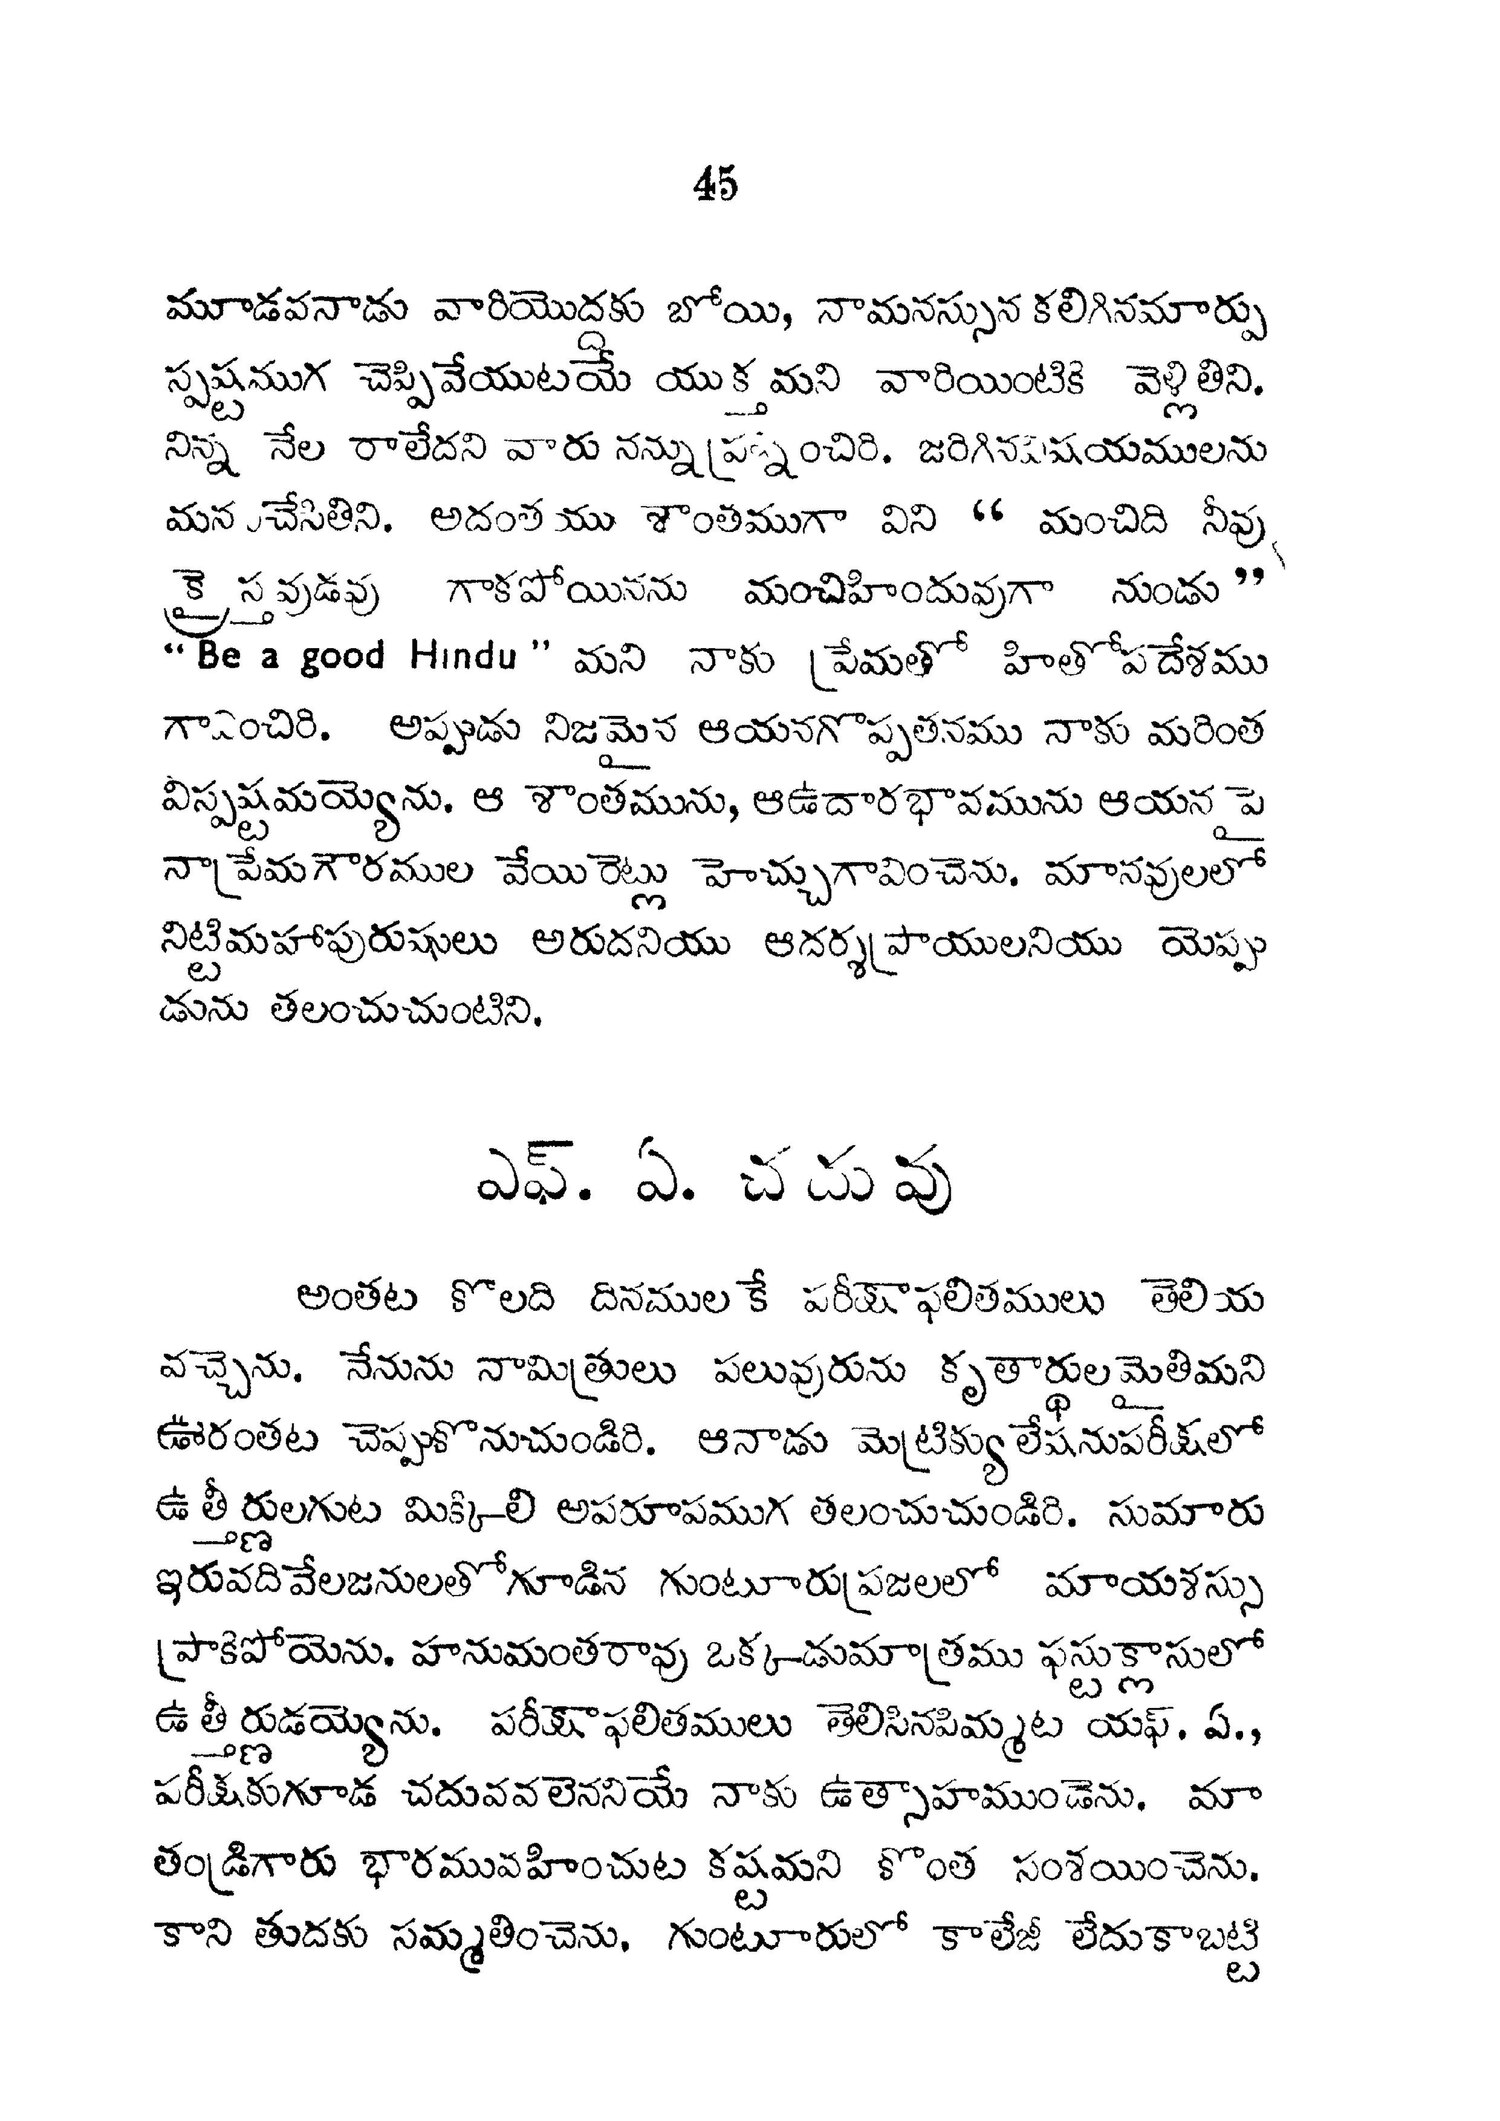మూడవనాడు వారియొద్దకు బోయి, నామనస్సున కలిగినమార్పు స్పష్టముగ చెప్పివేయుటయే యుక్తమని వారియింటికి వెళ్లితిని. నిన్న నేల రాలేదని వారు నన్నుప్రశ్నించిరి. జరిగినవిషయములను మనవిచేసితిని. అదంతయు శాంతముగా విని "మంచిది నీవు క్రైస్తవుడవు గాకపోయినను మంచిహిందువుగా నుండు" "Be a good Hindu" మని నాకు ప్రేమతో హితోపదేశము గావించిరి. అప్పుడు నిజమైన ఆయనగొప్పతనము నాకు మరింత విస్పష్టమయ్యెను. ఆ శాంతమును, ఆఉదారభావమును ఆయనపై నాప్రేమగౌరవముల వేయిరెట్లు హెచ్చుగావించెను. మానవులలో నిట్టిమహాపురుషులు అరుదనియు ఆదర్శప్రాయులనియు యెప్పుడును తలంచుచుంటిని.

అంతట కొలది దినములకే పరీక్షాఫలితములు తెలియవచ్చెను. నేనును నామిత్రులు పలువురును కృతార్థులమైతిమని ఊరంతట చెప్పుకొనుచుండిరి. ఆనాడు మెట్రిక్యులేషనుపరీక్షలో ఉత్తీర్ణులగుట మిక్కిలి అపరూపముగ తలంచుచుండిరి. సుమారు ఇరువదివేలజనులతోగూడిన గుంటూరుప్రజలలో మాయశస్సుప్రాకిపోయెను. హనుమంతురావు ఒక్కడుమాత్రము ఫస్టుక్లాసులో ఉత్తీర్ణుడయ్యెను. పరీక్షాఫలితములు తెలిసినపిమ్మట యఫ్. ఏ., పరీక్షకుగూడ చదువవలెననియే నాకు ఉత్సాహముండెను. మా తండ్రిగారు భారమువహించుట కష్టమని కొంత సంశయించెను. కాని తుదకు సమ్మతించెను. గుంటూరులో కాలేజి లేదుకాబట్టి